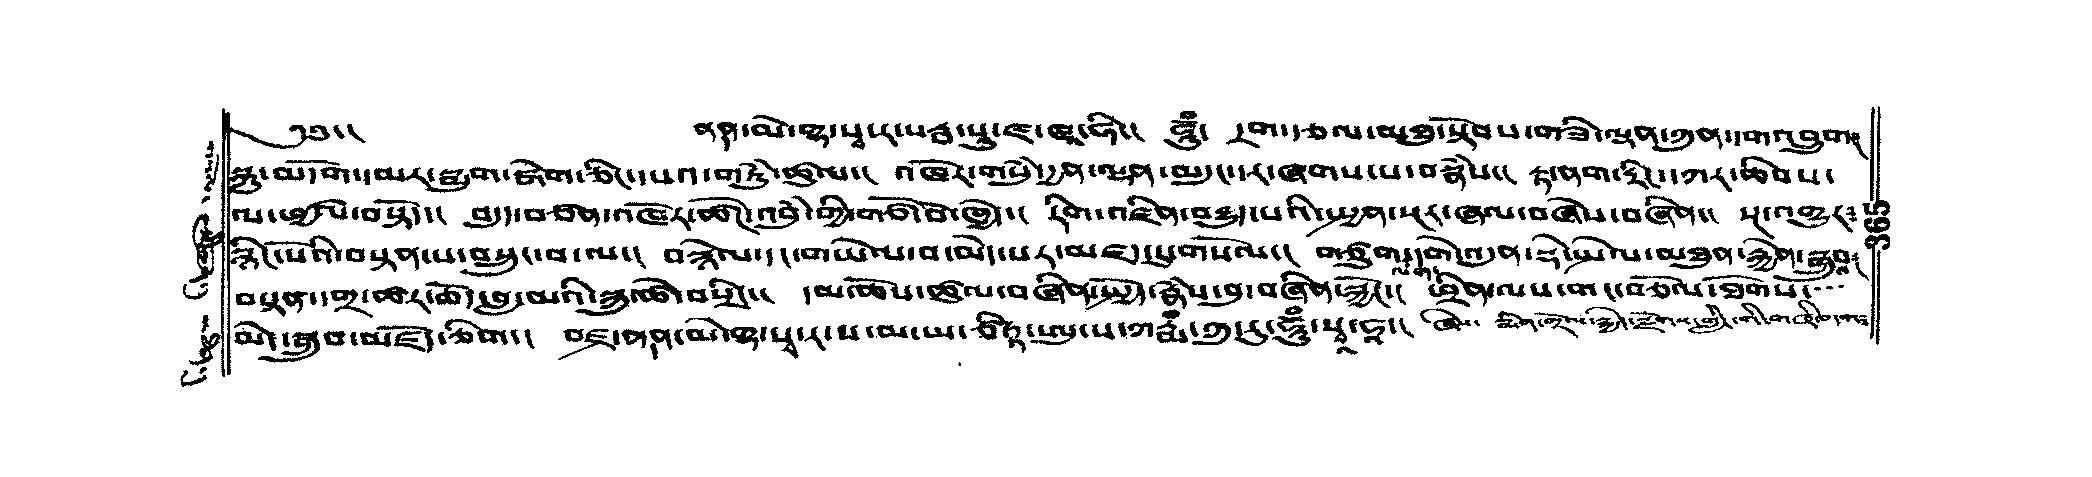ནནྡ་མེ་གྷ་སྭ་ར་སརྦ་པུ་ཛ་ཁཱ་ཧི། ཧཱུྂ། དྲག་རྩལ་མཐུ་སྟོབས་གཟི་ལྡན་ཀུན་དགའ་འབྲུག་།
སྐུ་མདོག་དམར་སྨུག་སྒེག་ཅིང་དཔའ་གཏུམ་ཚུལ། །འཁོར་གསུམ་རྒྱན་མདུང་དར་ཞགས་པ་བསྣམས། །རྟ་ནག་རྟིང་དཀར་ཆིབས་
ལ་ཕྱག་འཚལ་བསྟོད། །བདུད་བཙན་འཁོར་ཚོགས་འབུམ་གྱི་གཙོ་ཁྱོད། །རིག་འཛིན་བརྒྱུད་པའི་སྤྱན་སྔར་ཞལ་བཞེས་བཞིན། །སྔ་འགྱུར་
སྙིང་པོའི་བསྟན་པ་བསྲུང་བ་ལ། །བསྙེལ་དང་གཡེལ་བ་མེད་པར་མཛད་དུ་གསོལ། །གཙུག་ལག་དགེ་འདུན་སྡེ་སྤེལ་མཐུན་རྐྱེན་སྒྲུབས། །
བསྟན་དགྲ་ཚར་ཆོད་བླ་མའི་སྐུ་ཚེ་བསྲིང་། །དམ་ཆོས་ཚུལ་བཞིན་སྤྱཽད་རྣམས་བུ་བཞིན་སྐྱོང་། །ཕྲིན་ལས་གང་བཅོལ་ཐོགས་
མེད་སྒྲུབ་མཛོད་ཅིག་།བཛྲ་ནནྡ་མེ་གྷ་སྭ་ར་ས་མ་ཡ་ཙིཏྟ་ཨུ་ས་ཀརྨ་ཀུ་རུ་ཧཱུྂ་སྭཱ་ཧཱ། ཞེས་སྨིན་གྲོལ་བསྐྱེད་རྫོགས་གླིང་གི་གཞི་བདག་